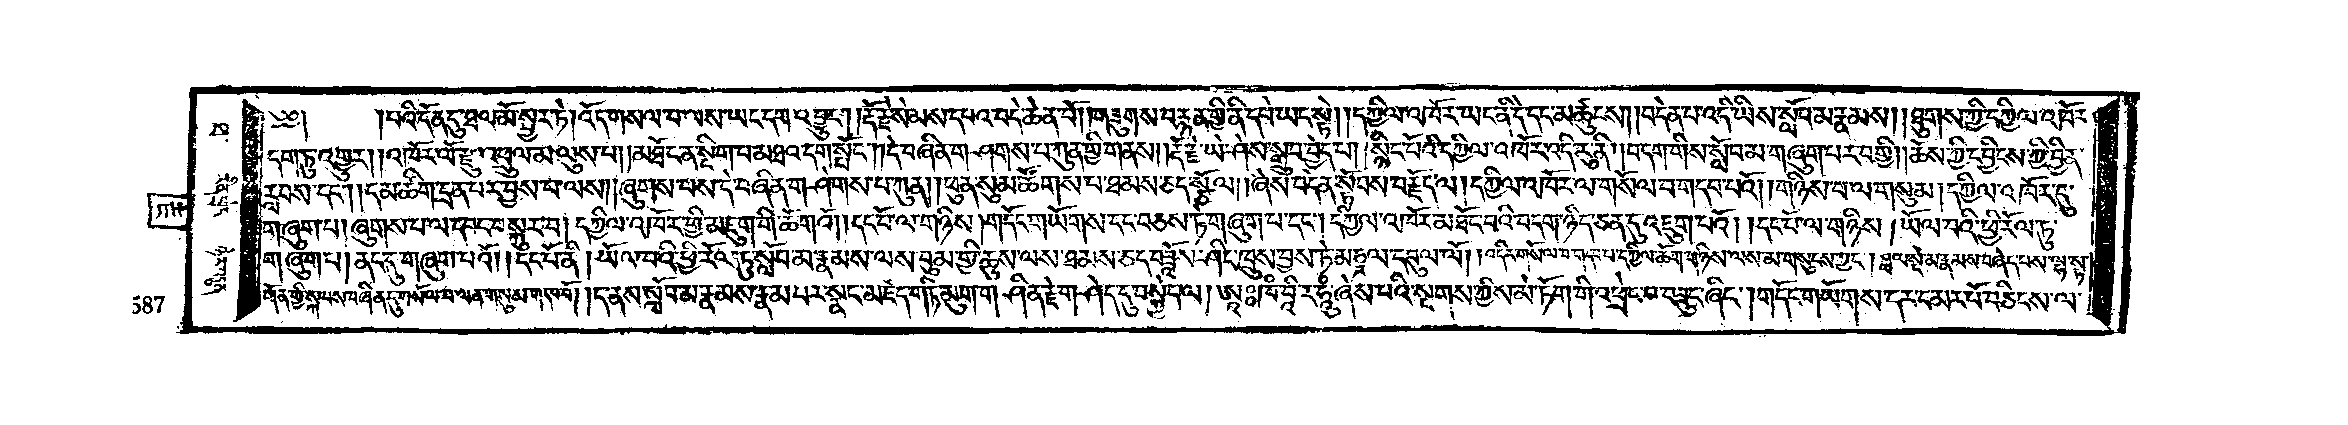༄༅། །པའི་དོན་དུ་ཐལ་མོ་སྦྱར་ཏེ། འོད་གསལ་བ་ལས་ཡང་དག་འབྱུང་། །རྡོ་རྗེ་སེམས་དཔའ་བདེ་ཆེན་པོ། །གཟུགས་བརྙན་གྱི་ནི་དཔེ་ཡང་སྟེ། །དཀྱིལ་འཁོར་ཡང་ནི་དེ་དང་མཚུངས། །བདེན་པ་འདི་ཡིས་སློབ་མ་རྣམས། །ཐུགས་ཀྱི་དཀྱིལ་འཁོར་
དག་ཏུ་འགྱུར། །འཁོར་ལོ་རྫུ་འཕྲུལ་མ་ལུས་པ། །མཐོང་ན་སྡིག་པ་མཐའ་དག་སྤོང་། །དེ་བཞིན་གཤེགས་པ་ཀུན་གྱི་གནས། །རྡོ་རྗེ་ཡེ་ཤེས་སྒྲུབ་བྱེད་པ། །སྙིང་པོའི་དཀྱིལ་འཁོར་འདི་རུ་ནི། །བདག་གིས་སློབ་མ་གཞུག་པར་བགྱི། །ཆོས་ཀྱི་དབྱིངས་ཀྱི་བྱིན་
རླབས་དང་། །དམ་ཚིག་དྲན་པར་བྱས་པ་ལས། །ཞུགས་པས་དེ་བཞིན་གཤེགས་པ་ཀུན། །ཕུན་སུམ་ཚོགས་པ་ཐམས་ཅད་སྩོལ། །ཞེས་བདེན་སྟོབས་བརྗོད་ལ། དཀྱིལ་འཁོར་ལ་གསོལ་བ་གདབ་པའོ། །གཉིས་པ་ལ་གསུམ། དཀྱིལ་འཁོར་དུ་
གཞུག་པ། ཞུགས་པ་ལ་དབང་བསྐུར་བ། དཀྱིལ་འཁོར་གྱི་མཇུག་གི་ཆོ་གའོ། །དང་པོ་ལ་གཉིས། གདོང་གཡོགས་དང་བཅས་ཏེ་གཞུག་པ་དང་། དཀྱིལ་འཁོར་མཐོང་བའི་བདག་ཉིད་ཅན་དུ་འཇུག་པའོ། །དང་པོ་ལ་གཉིས། ཡོལ་བའི་ཕྱི་རོལ་ཏུ་
གཞུག་པ། ནང་དུ་གཞུག་པའོ། །དང་པོ་ནི། ཡོལ་བའི་ཕྱི་རོལ་ཏུ་སློབ་མ་རྣམས་ལས་བུམ་གྱི་ཆུས་ལས་ཐམས་ཅད་བཟློས་ཤིང་ཁྲུས་བྱས་ཏེ་མཎྜལ་དབུལ་ལོ། །འདིར་གསོལ་བ་གདབ་པ་དཀྱིལ་ཆོག་གཉིས་ལས་མ་གསུངས་ཀྱང་། བླ་མ་སྔ་མ་རྣམས་བཞེད་པས་ལྷ་སྟ་
གོན་གྱི་སྐབས་བཞིན་དུ་གསོལ་བ་ལན་གསུམ་གདབ་བོ། །དེ་ནས་སློབ་མ་རྣམས་རྣམ་པར་སྣང་མཛད་གཏི་མུག་གཤིན་རྗེ་གཤེད་དུ་བསྐྱེད་ལ། ཨཱཿ ཁཾ་བཱི་ར་ཧཱུཾ་ཞེས་པའི་སྔགས་ཀྱིས་མེ་ཏོག་གི་འཕྲེང་བ་བཟུང་ཞིང་། གདོང་གཡོགས་དར་དམར་པོ་བཅིངས་ལ་